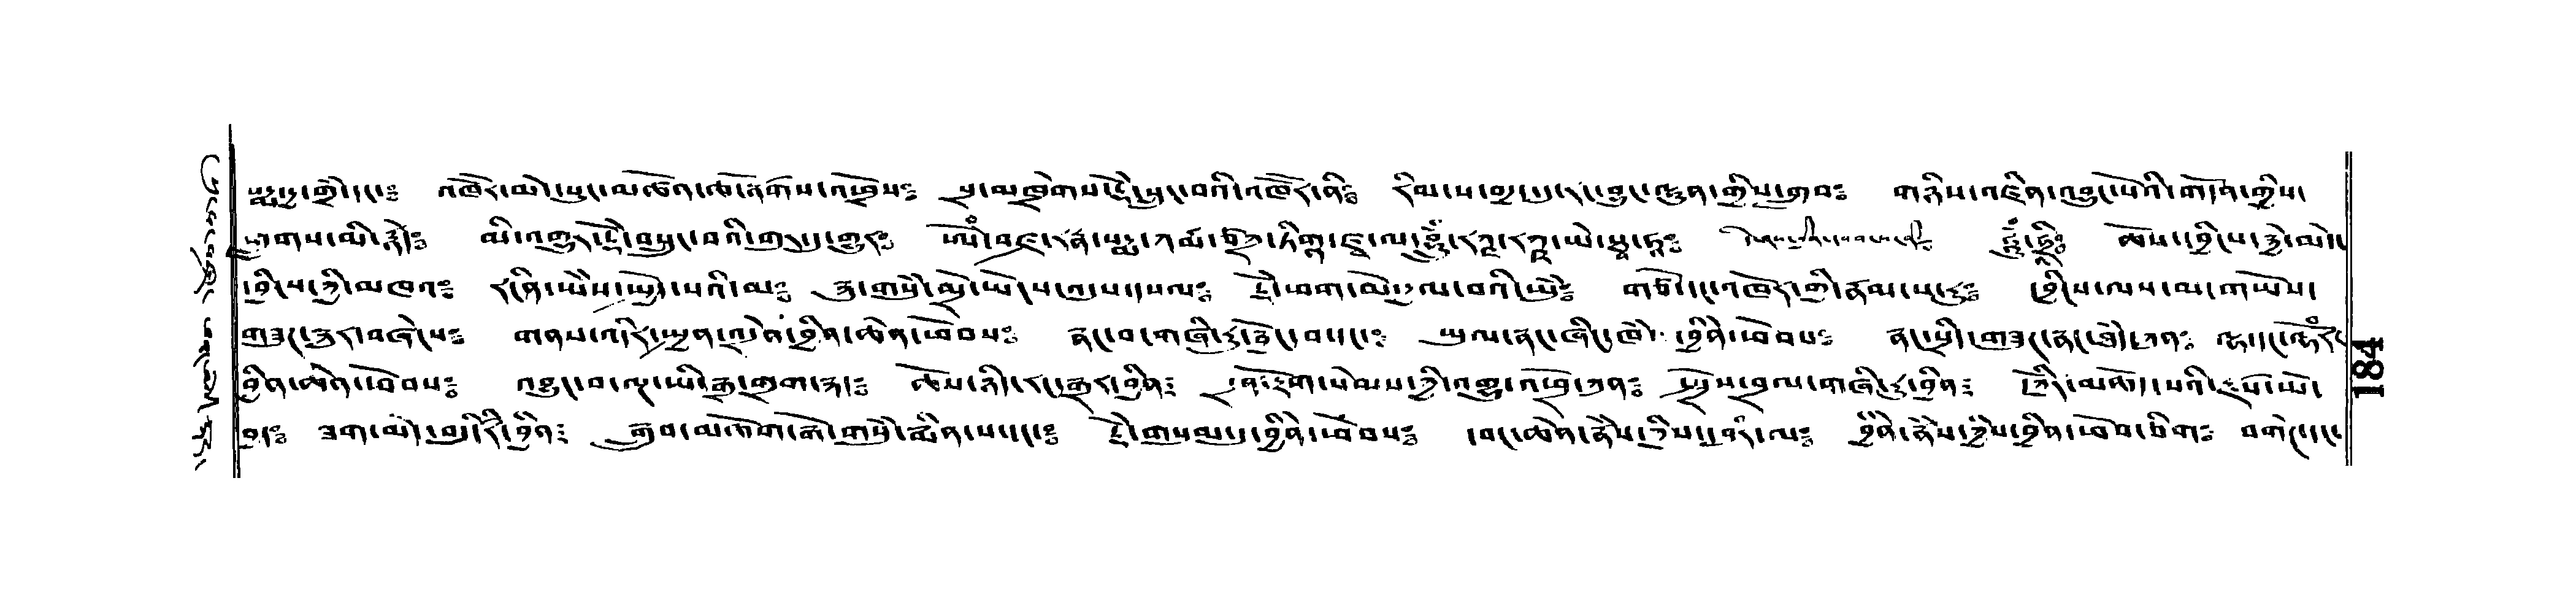པདྨ་རྒྱ་གྲམ་དང༔ འཁོར་ལོ་མེ་དཔུང་མཚོན་ཆ་སྣ་ཚོགས་འཕྲོས༔ སྲ་མཁྲེགས་རྡོ་རྗེ་སྲུང་བའི་འཁོར་ལོ་ནི༔ རིམ་པ་བརྒྱད་དུ་རང་བྱུང་ལྷུན་གྱིས་གྲུབ༔ གཉིས་འཛིན་འབྱུང་པོའི་གདོན་གྱིས་
གླགས་མི་རྙེད༔ མི་འགྱུར་རྡོ་རྗེ་བསྲུང་བའི་གུར་དུ་གྱུར༔ ཨོཾ་བཛྲ་རཏྣ་པདྨ་ཀརྨ་ཙཀྲ་ཏིཀྴ་ཛྭ་ལ་བྷྲཱུྃ་རཀྵ་རཀྵ་ཡེ་སྭཱ་ཧཱཿ དེ་ནས་བྱིན་དབབ་པ་ནི༔ ཧཱུྃ་ཧྲཱིཿ ཆོས་དབྱིངས་སྐྱེ་མེད་
དབྱིངས་ཀྱི་མཁའ༔ རང་བཞིན་ཡེ་ཤེས་སྤྱོད་པའི་མ༔ སྐུ་གསུམ་མཁའ་འགྲོ་ཡོངས་འདུས་དཔལ༔ རྡོ་རྗེ་ཕག་མོ་རྒྱལ་བའི་ཡུམ༔ གཙོ་དང་འཁོར་གྱི་རྣམ་པ་རུ༔ དབྱིངས་ལས་མ་གཡོས་
གཟུགས་སྐུར་བཞེངས༔ གནས་འདིར་སྤྱན་འདྲེན་བྱིན་ཆེན་ཕོབས༔ སྣང་བ་གཞི་རུ་སྦྱོང་བ་དང༔ ཡུལ་སྣང་ཞིང་ཁམས་བྱིན་ཆེན་ཕོབས༔ སྣང་སྲིད་གཟུགས་སྣང་ཐམས་ཅད་ཀུན༔ ལྷ་དང་ལྷ་མོར་
བྱིན་ཆེན་ཕོབས༔ འབྱུང་བ་ལྔ་ཡི་སྒྲ་གྲགས་སྐད༔ ཆོས་ཉིད་རང་སྒྲར་བྱིན༴ དྲན་རྟོག་སེམས་ཀྱི་འགྱུ་འཕྲོ་ཀུན༔ སྤྲོས་བྲལ་གཞི་རུ་བྱིན༴ དཀྱིལ་འཁོར་མཆོད་པའི་རྫས་ཡོ་
བྱད༔ ཟག་མེད་བདུད་རྩིར་བྱིན༴ སྒྲུབ་མཆོག་སྒོ་གསུམ་སྨིན་པ་དང༔ རྡོ་རྗེ་གསུམ་དུ་བྱིན་ཆེན་ཕོབས༔ དབང་ཆེན་རྣམས་ཀྱིས་དབང་བསྐུར་ལ༔ བྱིན་ཆེན་རྣམས་ཀྱིས་བྱིན་ཕོབ་ཅིག༔ བགེགས་དང་